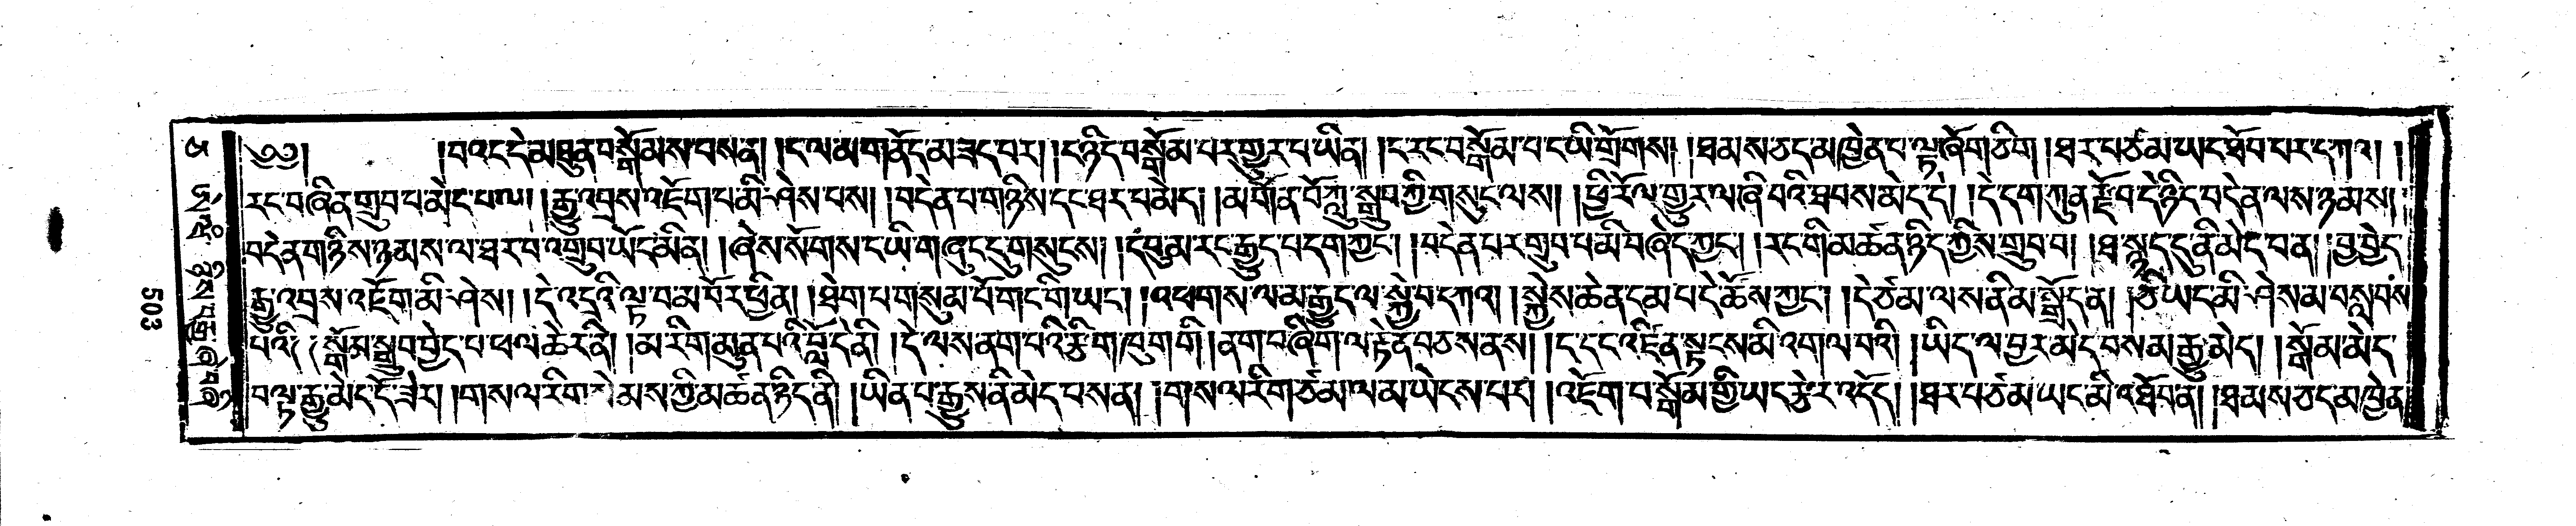༄༅། །བའང་དེ་མཐུན་བསྒོམས་པས་ན། །ང་ལ་མ་གནོད་མ་ཟད་པར། །ང་ཉིད་བསྒོམ་པར་གྱུར་པ་ཡིན། །ང་རང་བསྒོམ་པ་ང་ཡི་གྲོགས། །ཐམས་ཅད་མཁྱེན་པ་ལྟ་ཞོག་ཅིག །ཐར་པ་ཙམ་ཡང་ཐོབ་པར་དཀའ། །
རང་བཞིན་གྲུབ་པ་མེད་པ་ལ། །རྒྱུ་འབྲས་འཇོག་པ་མི་ཤེས་པས། །བདེན་པ་གཉིས་དང་ཐར་པ་མེད། །མགོན་པོ་ཀླུ་སྒྲུབ་ཀྱི་གསུང་ལས། །ཕྱི་རོལ་གྱུར་ལ་ཞི་བའི་ཐབས་མེད་དེ། །དེ་དག་ཀུན་རྫོབ་དེ་ཉིད་བདེན་ལས་ཉམས།།
བདེན་གཉིས་ཉམས་ལ་ཐར་པ་འགྲུབ་ཡོད་མིན། །ཞེས་སོགས་ང་ཡི་གཞུང་དུ་གསུངས། །དབུ་མ་རང་རྒྱུད་པ་དག་ཀྱང་། །བདེན་པར་གྲུབ་པ་མི་བཞེད་ཀྱང་། །རང་གི་མཚན་ཉིད་ཀྱིས་གྲུབ་པ། །ཐ་སྙད་དུ་ནི་མེད་པ་ན། །བྱ་བྱེད་
རྒྱུ་འབྲས་འཇོག་མི་ཤེས། །དེ་འདྲའི་ལྟ་བ་མ་བོར་ཕྱིན། །ཐེག་པ་གསུམ་པོ་གང་གི་ཡང་། །འཕགས་ལམ་རྒྱུད་ལ་སྐྱེ་བ་དཀའ། །སྐྱེས་ཆེན་དམ་པ་དེ་ཚོས་ཀྱང་། །དེ་ཙམ་ལས་ནི་མ་སྒྲོད་ན། །ཅི་ཡང་མི་ཤེས་མ་བསླབས་
པའི༑ ༑སྒོམ་སྒྲུབ་བྱེད་པ་ཕལ་ཆེར་ནི། །མ་རིག་མུན་པའི་བློ་དེ་ནི། །དེ་ལས་ནག་པའི་རྩིག་ཁུག་གི །ནག་པ་ཞིག་ལ་རྟེན་བཅས་ནས། །ང་དང་འཛིན་སྟངས་མི་འགལ་བའི། །ཡིད་ལ་བྱར་མེད་བསམ་རྒྱུ་མེད། །སྒོམ་མེད་
བལྟ་རྒྱུ་མེད་དོ་ཟེར། །གསལ་རིག་སེམས་ཀྱི་མཚན་ཉིད་ནི། །ཡིན་པ་རྒྱུས་ནི་མེད་པས་ན། །གསལ་རིག་ཙམ་ལ་མ་ཡེངས་པར། །འཇོག་པ་སྒོམ་གྱི་ཡང་རྩེར་འདོད། །ཐར་པ་ཙམ་ཡང་མི་འཐོབ་ན། །ཐམས་ཅད་མཁྱེན་